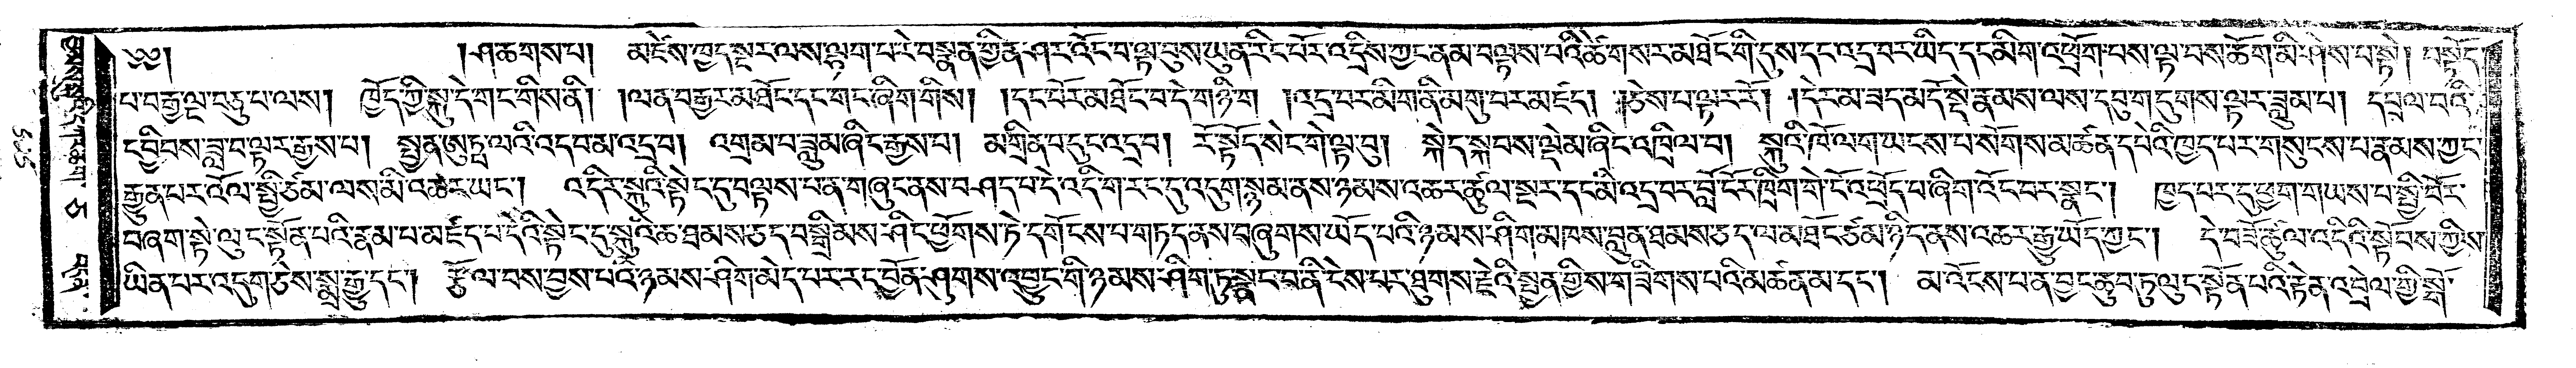༄༅། །ཤ་ཆགས་པ། མཛེས་ཁྱད་སྔར་ལས་ལྷག་པ་རེ་བསྣན་གྱིན་ཤར་འོང་བ་ལྟ་བུས་ཡུན་རིང་པོར་འདྲིས་ཀྱང་ནམ་བལྟས་པའི་ཚེ་གསར་མཐོང་གི་དུས་དང་འདྲ་བར་ཡིད་དང་མིག་འཕྲོག་པས་ལྟ་བས་ཆོག་མི་ཤེས་པ་སྟེ། བསྟོད་
པ་བརྒྱ་ལྔ་བཅུ་པ་ལས། ཁྱོད་ཀྱི་སྐུ་དེ་གང་གིས་ནི། །ལན་བརྒྱར་མཐོང་དང་གང་ཞིག་གིས། །དང་པོར་མཐོང་བ་དེ་གཉི་ག །འདྲ་པར་མིག་ནི་མགུ་བར་མཛད། །ཅེས་པ་ལྟར་རོ། །དེར་མ་ཟད་མདོ་སྡེ་རྣམས་ལས་དབུ་གདུགས་ལྟར་ཟླུམ་པ། དཔལ་བའི་
དབྱིབས་ཟླ་བ་ལྟར་རྒྱས་པ། སྤྱན་ཨུཏྤ་ལའི་འདབ་མ་འདྲ་བ། འགྲམ་བ་ཟླུམ་ཞིང་རྒྱས་པ། མགྲིན་པ་དུང་འདྲ་བ། རོ་སྟོད་སེང་གེ་ལྟ་བུ། སྐེད་སྐབས་ལྡེམ་ཞིང་འཁྲིལ་པ། སྐུའི་ཁོ་ལག་ཡངས་པ་སོགས་མཚན་དཔེའི་ཁྱད་པར་གསུངས་པ་རྣམས་ཀྱང་
རྒྱུན་པར་འོལ་སྤྱི་ཙམ་ལས་མི་འཆར་ཡང་། འདིར་སྐུའི་སྟེང་དུ་བལྟས་པ་ན་གཞུང་ནས་བཤད་པ་དེ་འདི་ག་རང་དུ་འདུག་སྙམ་ནས་ཉམས་འཆར་ཚུལ་སྔར་དང་མི་འདྲ་བར་བློ་ངོར་ཁྲིག་གེ་ངོ་འཕྲོད་པ་ཞིག་འོང་བར་སྣང་། ཁྱད་པར་དུ་ཕྱག་གཡས་པ་སྤྱི་བོར་
བཞག་སྟེ་ལུང་སྟོན་པའི་རྣམ་པ་མཛད་པ་དེའི་སྟེང་དུ་སྐུའི་ཆ་ཐམས་ཅད་བསྒྲིམས་ཤིང་ཕྱོགས་ཏེ་དགོངས་པ་གཏད་ནས་བཞུགས་ཡོད་པའི་ཉམས་ཤིག་མཁས་བླུན་ཐམས་ཅད་ལ་མཐོང་ཙམ་ཉིད་ནས་འཆར་རྒྱུ་ཡོད་ཀྱང་། དེ་བཟོ་ཚུལ་འདིའི་སྟོབས་ཀྱིས་
ཡིན་པར་འདུག་ཅེས་སྨྲ་རྒྱུ་དང་། རྩོལ་བས་བྱས་པའི་ཉམས་ཤིགས་མེད་པར་རང་བྱོན་ཤུགས་འབྱུང་གི་ཉམས་ཤིག་ཏུ་སྣང་བ་ནི་ངེས་པར་ཐུགས་རྗེའི་སྤྱན་གྱིས་གཟིགས་པའི་མཚན་མ་དང་། མ་འོངས་པ་ན་བྱང་ཆུབ་ཏུ་ལུང་སྟོན་པའི་རྟེན་འབྲེལ་གྱི་སྒོ་